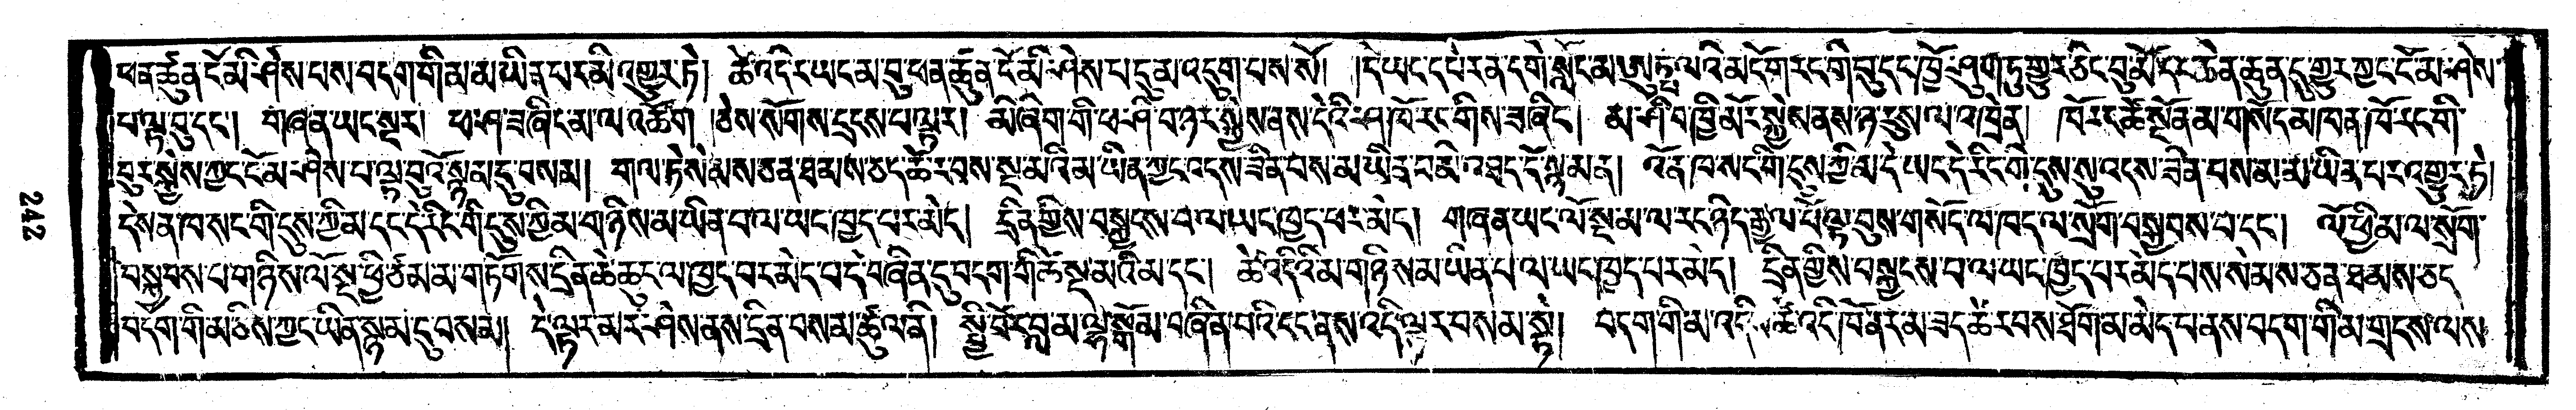ཕན་ཚུན་ངོ་མི་ཤེས་པས་བདག་གི་མ་མ་ཡིན་པར་མི་འགྱུར་ཏེ། ཚེ་འདིར་ཡང་མ་བུ་ཕན་ཚུན་ངོ་མི་ཤེས་པ་དུ་མ་འདུག་པས་སོ། །དེ་ཡང་དཔེར་ན་དགེ་སློང་མ་ཨུཏྤ་ལའི་མདོག་རང་གི་བུ་དང་ཁྱོ་ཤུག་ཏུ་གྱུར་ཅིང་བུ་མོ་དང་ཆེན་ཆུན་དུ་གྱུར་ཀྱང་ངོ་མ་ཤེས་
པ་ལྟ་བུ་དང་། གཞན་ཡང་སྔར། ཕ་ཤ་ཟ་ཞིང་མ་ལ་འཚོག །ཅེས་སོགས་དྲངས་པ་ལྟར། མི་ཞིག་གི་ཕ་ཤི་བ་ཉར་སྐྱེས་ནས་དེའི་ཤ་ཁོ་རང་གིས་ཟ་ཞིང་། མ་ཤི་བ་ཁྱི་མོར་སྐྱེས་ནས་ཉ་རུས་ལ་འཁྲེན། ཁོ་རང་ཚེ་སྔོན་མ་གསོད་མཁན་ཁོ་རང་གི་
བུར་སྐྱེས་ཀྱང་ངོ་མ་ཤེས་པ་ལྟ་བུའོ་སྙམ་དུ་བསམ། གལ་ཏེ་སེམས་ཅན་ཐམས་ཅད་ཚེ་ར་བས་སྔ་མའི་མ་ཡིན་ཀྱང་འདས་ཟིན་པས་མ་ཡིན་པ་མི་འཐད་དོ་སྙམ་ན། འོ་ན་ཁ་སང་གི་དུས་ཀྱི་མ་དེ་ཡང་དེ་རིང་གི་དུས་སུ་འདས་ཟིན་བསམ་མ་ཡིན་པར་འགྱུར་ཏེ།
དེས་ན་ཁ་སང་གི་དུས་ཀྱི་མ་དང་དེ་རིང་གི་དུས་ཀྱི་མ་གཉིས་མ་ཡིན་པ་ལ་ཡང་ཁྱད་པར་མེད། དྲིན་གྱིས་བསྐྱངས་བ་ལ་ཡང་ཁྱད་པར་མེད། གཞན་ཡང་ལོ་སྔ་མ་ལ་རང་ཉིད་རྒྱལ་པོ་ལྟ་བུས་གསོད་ལ་ཁད་ལ་སྲོག་བསྐྱབས་པ་དང་། ལོ་ཕྱི་མ་ལ་སྲོག་
བསྐྱབས་པ་གཉིས་ལོ་སྔ་ཕྱི་ཙམ་མ་གཏོགས་དྲིན་ཆེ་ཆུང་ལ་ཁྱད་པར་མེད་པ་དེ་བཞིན་དུ་བདག་གི་ཚེ་སྔ་མའི་མ་དང་། ཚེ་འདིའི་མ་གཉིས་མ་ཡིན་པ་ལ་ཡང་ཁྱད་པར་མེད། དྲིན་གྱིས་བསྐྱངས་པ་ལ་ཡང་ཁྱད་པར་མེད་པས་སེམས་ཅན་ཐམས་ཅད་
བདག་གི་མ་ཅིས་ཀྱང་ཡིན་སྙམ་དུ་བསམ། དེ་ལྟར་མར་ཤེས་ནས་དྲིན་བསམ་ཚུལ་ནི། སྤྱི་བོར་བླ་མ་ལྷ་སྒོམ་བཞིན་པའི་ངང་ནས་འདི་ལྟར་བསམ་སྟེ། བདག་གི་མ་འདིས་ཚེ་འདི་ཁོ་ནར་མ་ཟད་ཚེ་རབས་ཐོག་མ་མེད་པ་ནས་བདག་གི་མ་གྲངས་ལས་